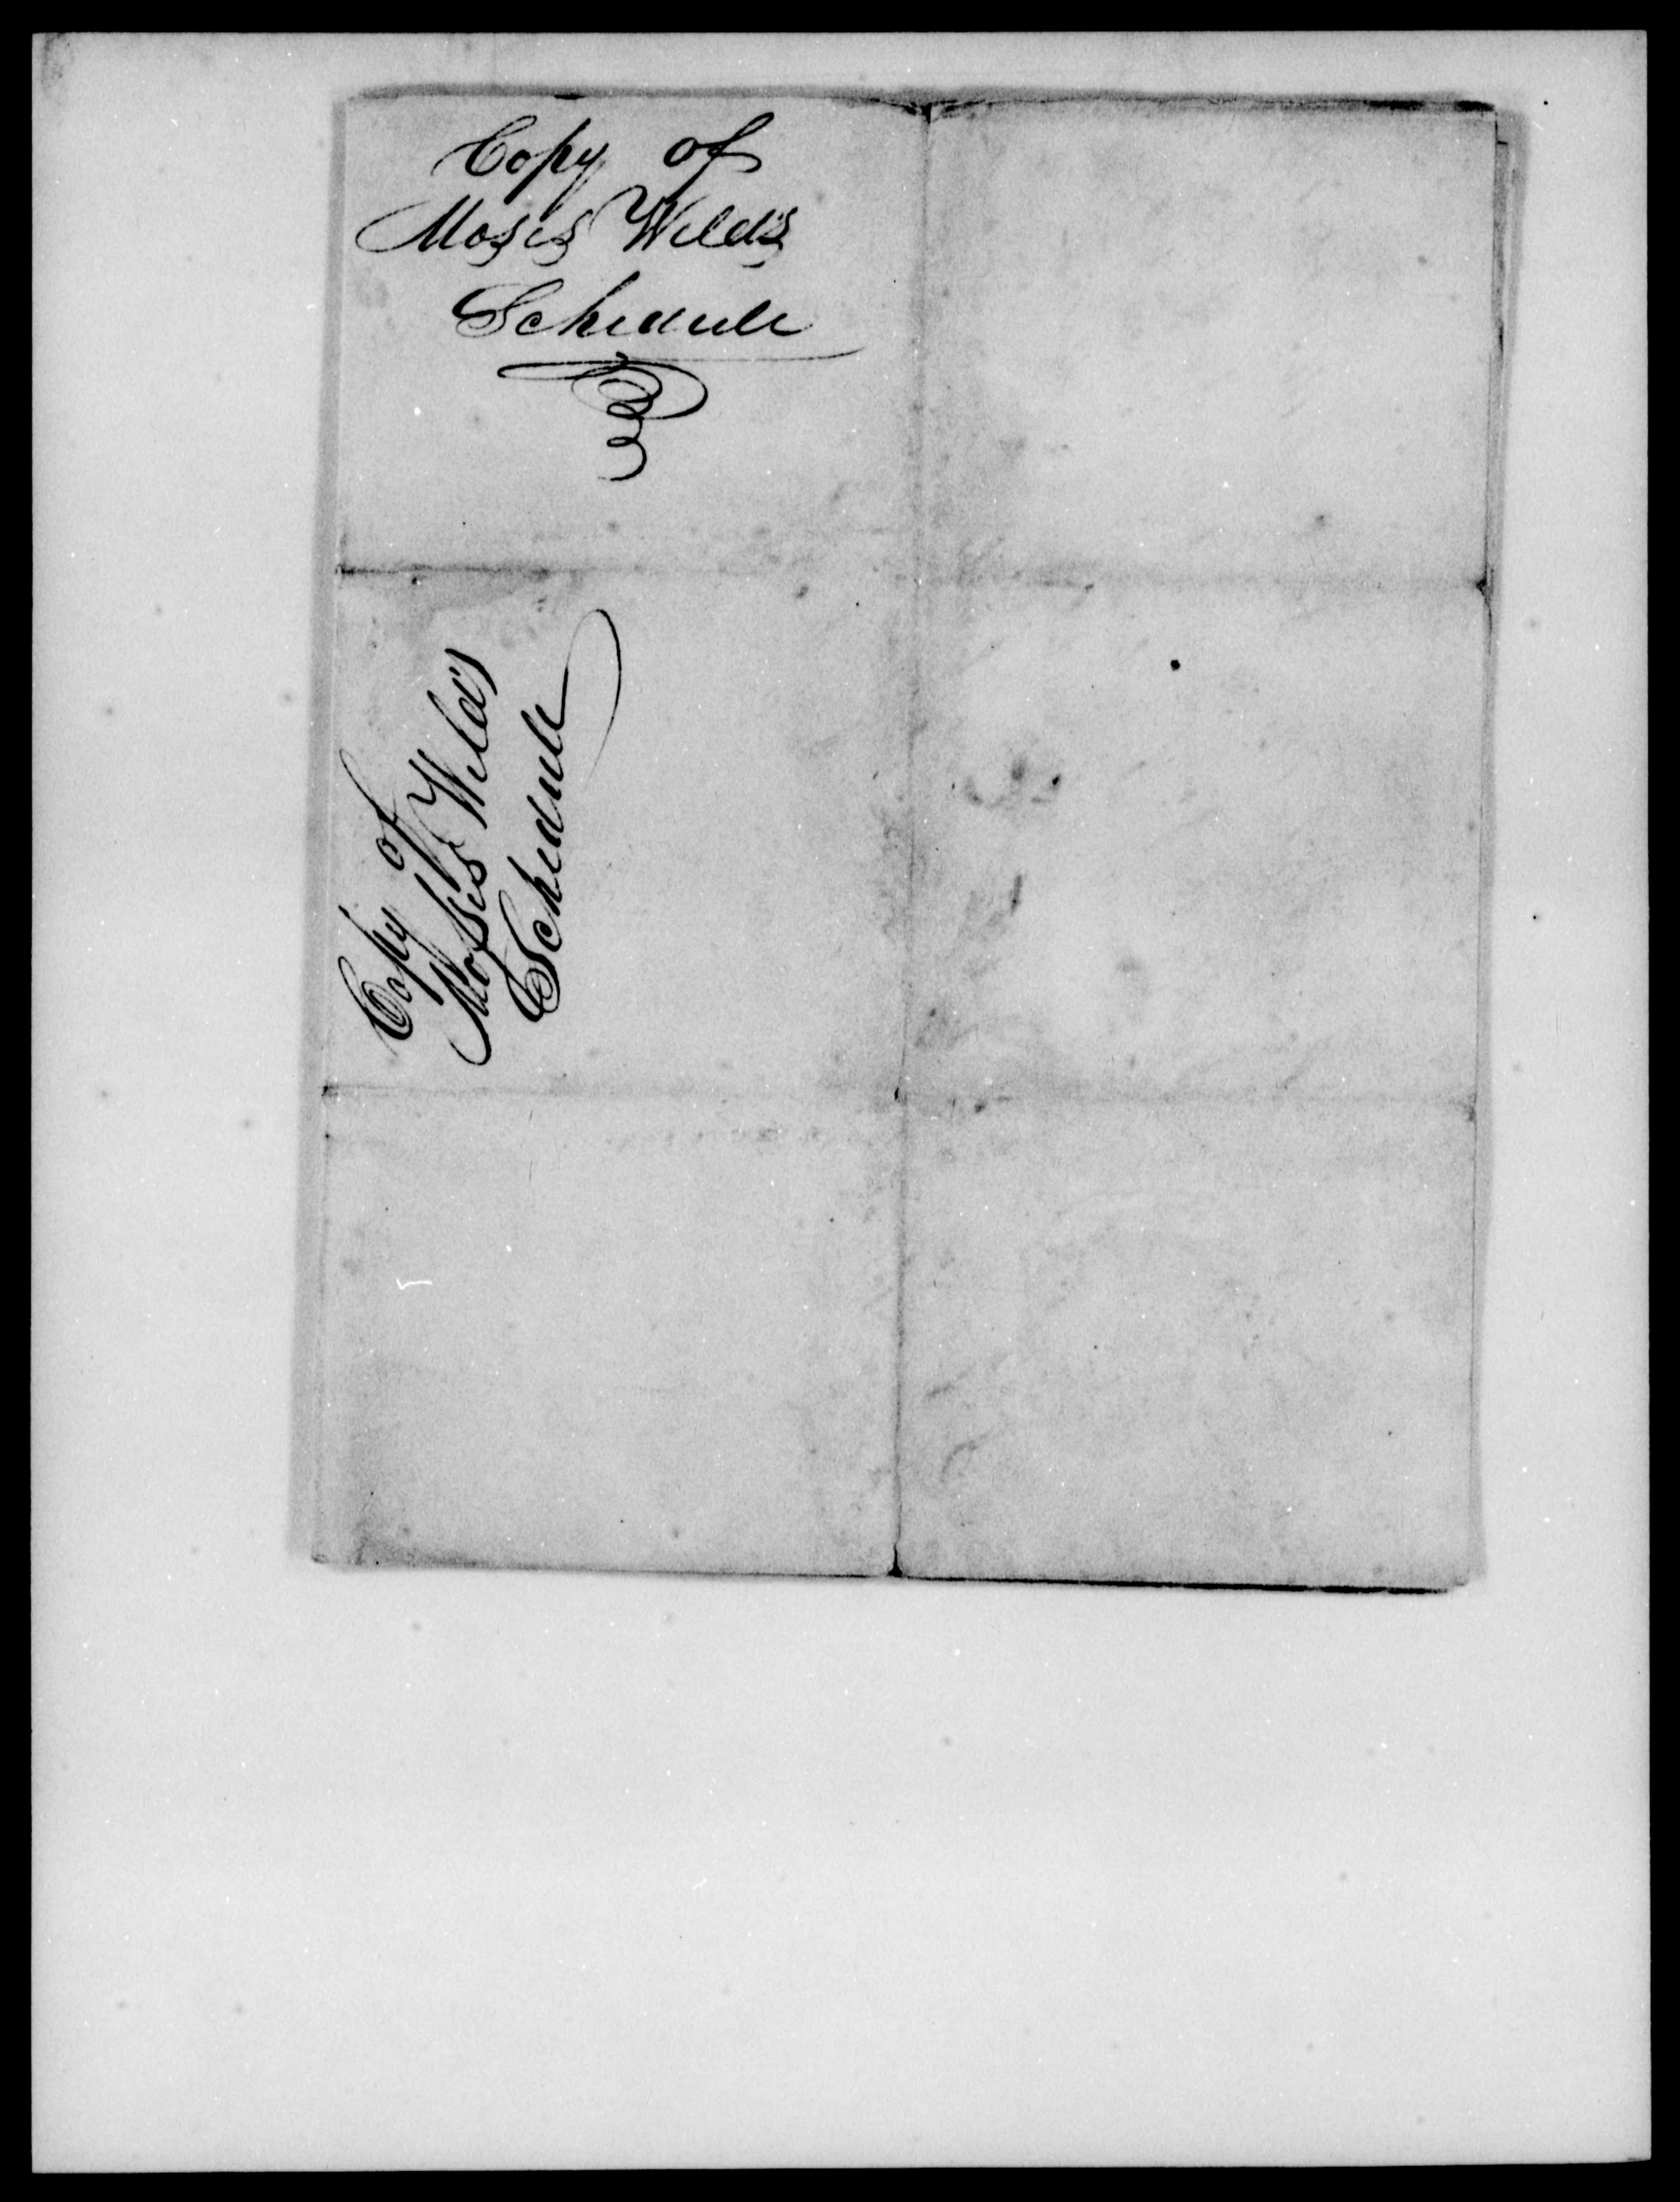Copy of
Moses Weld's
Schedule

[at 90 degrees]
Copy of
Moses Weld's
Schedule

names: Moses Weld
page: 84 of 87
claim: widow's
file: W. 25,966, Moses Weld, Mass.